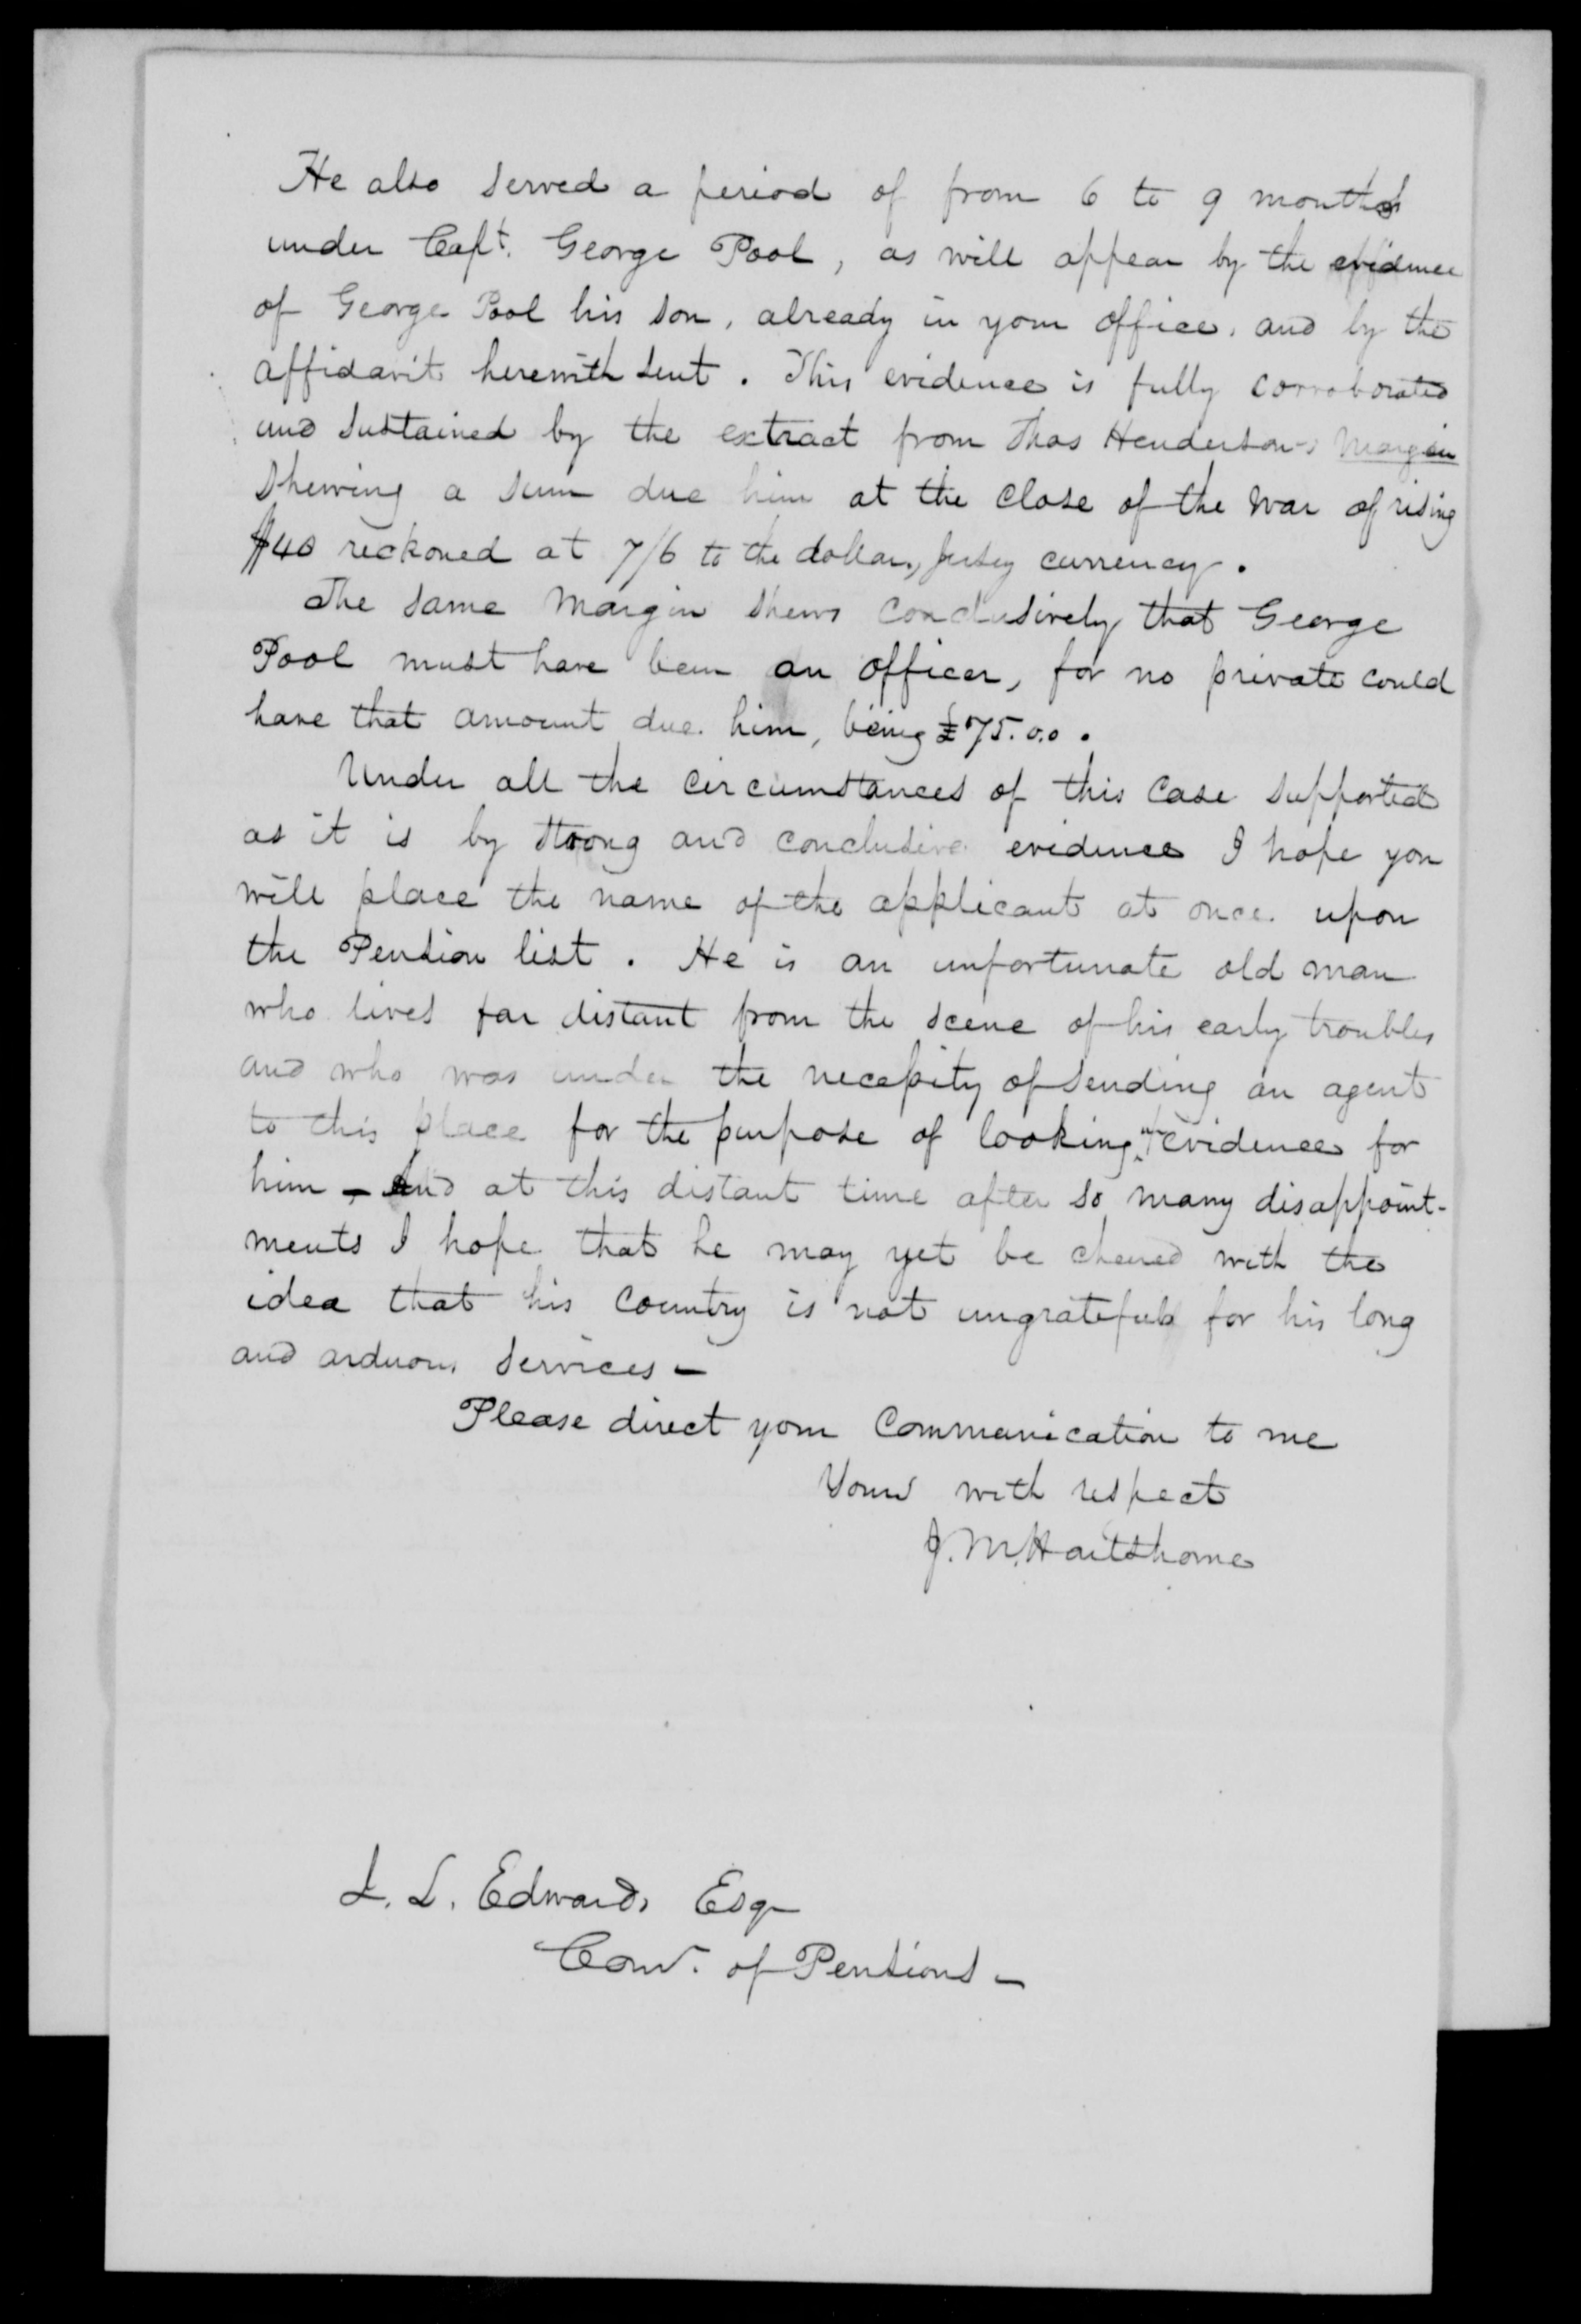He also served a period of from 6 to 9 months under Capt. George Pool, as will appear by the evidence of George Pool his son, already in your office, and by the affidavit herewith sent.  This evidence is fully corroborated and sustained by the extract from Thos Henderson's margin showing a sum due him at the close of the war of riding $40 reckoned at 7/6 to the dollars, July currency.

The same margin shows conclusively that George Pool must have been an officer, for no private could have that amount due him, being $75.00.

Under all the circumstances of this case supported as it is by strong and conclusive evidence I hope you will place the name of the applicant at once upon the Pension list.  He is an unfortunate old man who lives far distant from the scene of his early troubles and who was under the necessity of sending an agent to this place for the purpose of looking for evidence for him and at this distant time after so many disappointments I hope that he may yet be cleared with the idea that his country is not ungrateful for his long and arduous services.

Please direct your communication to me
Yours with respect
J.M. Hartshorne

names: George Pool, J L Edwards, J M Hartshorne, George Pool, George Pool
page: 60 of 66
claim: widow's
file: W. 19588, William Walling, New Jersey